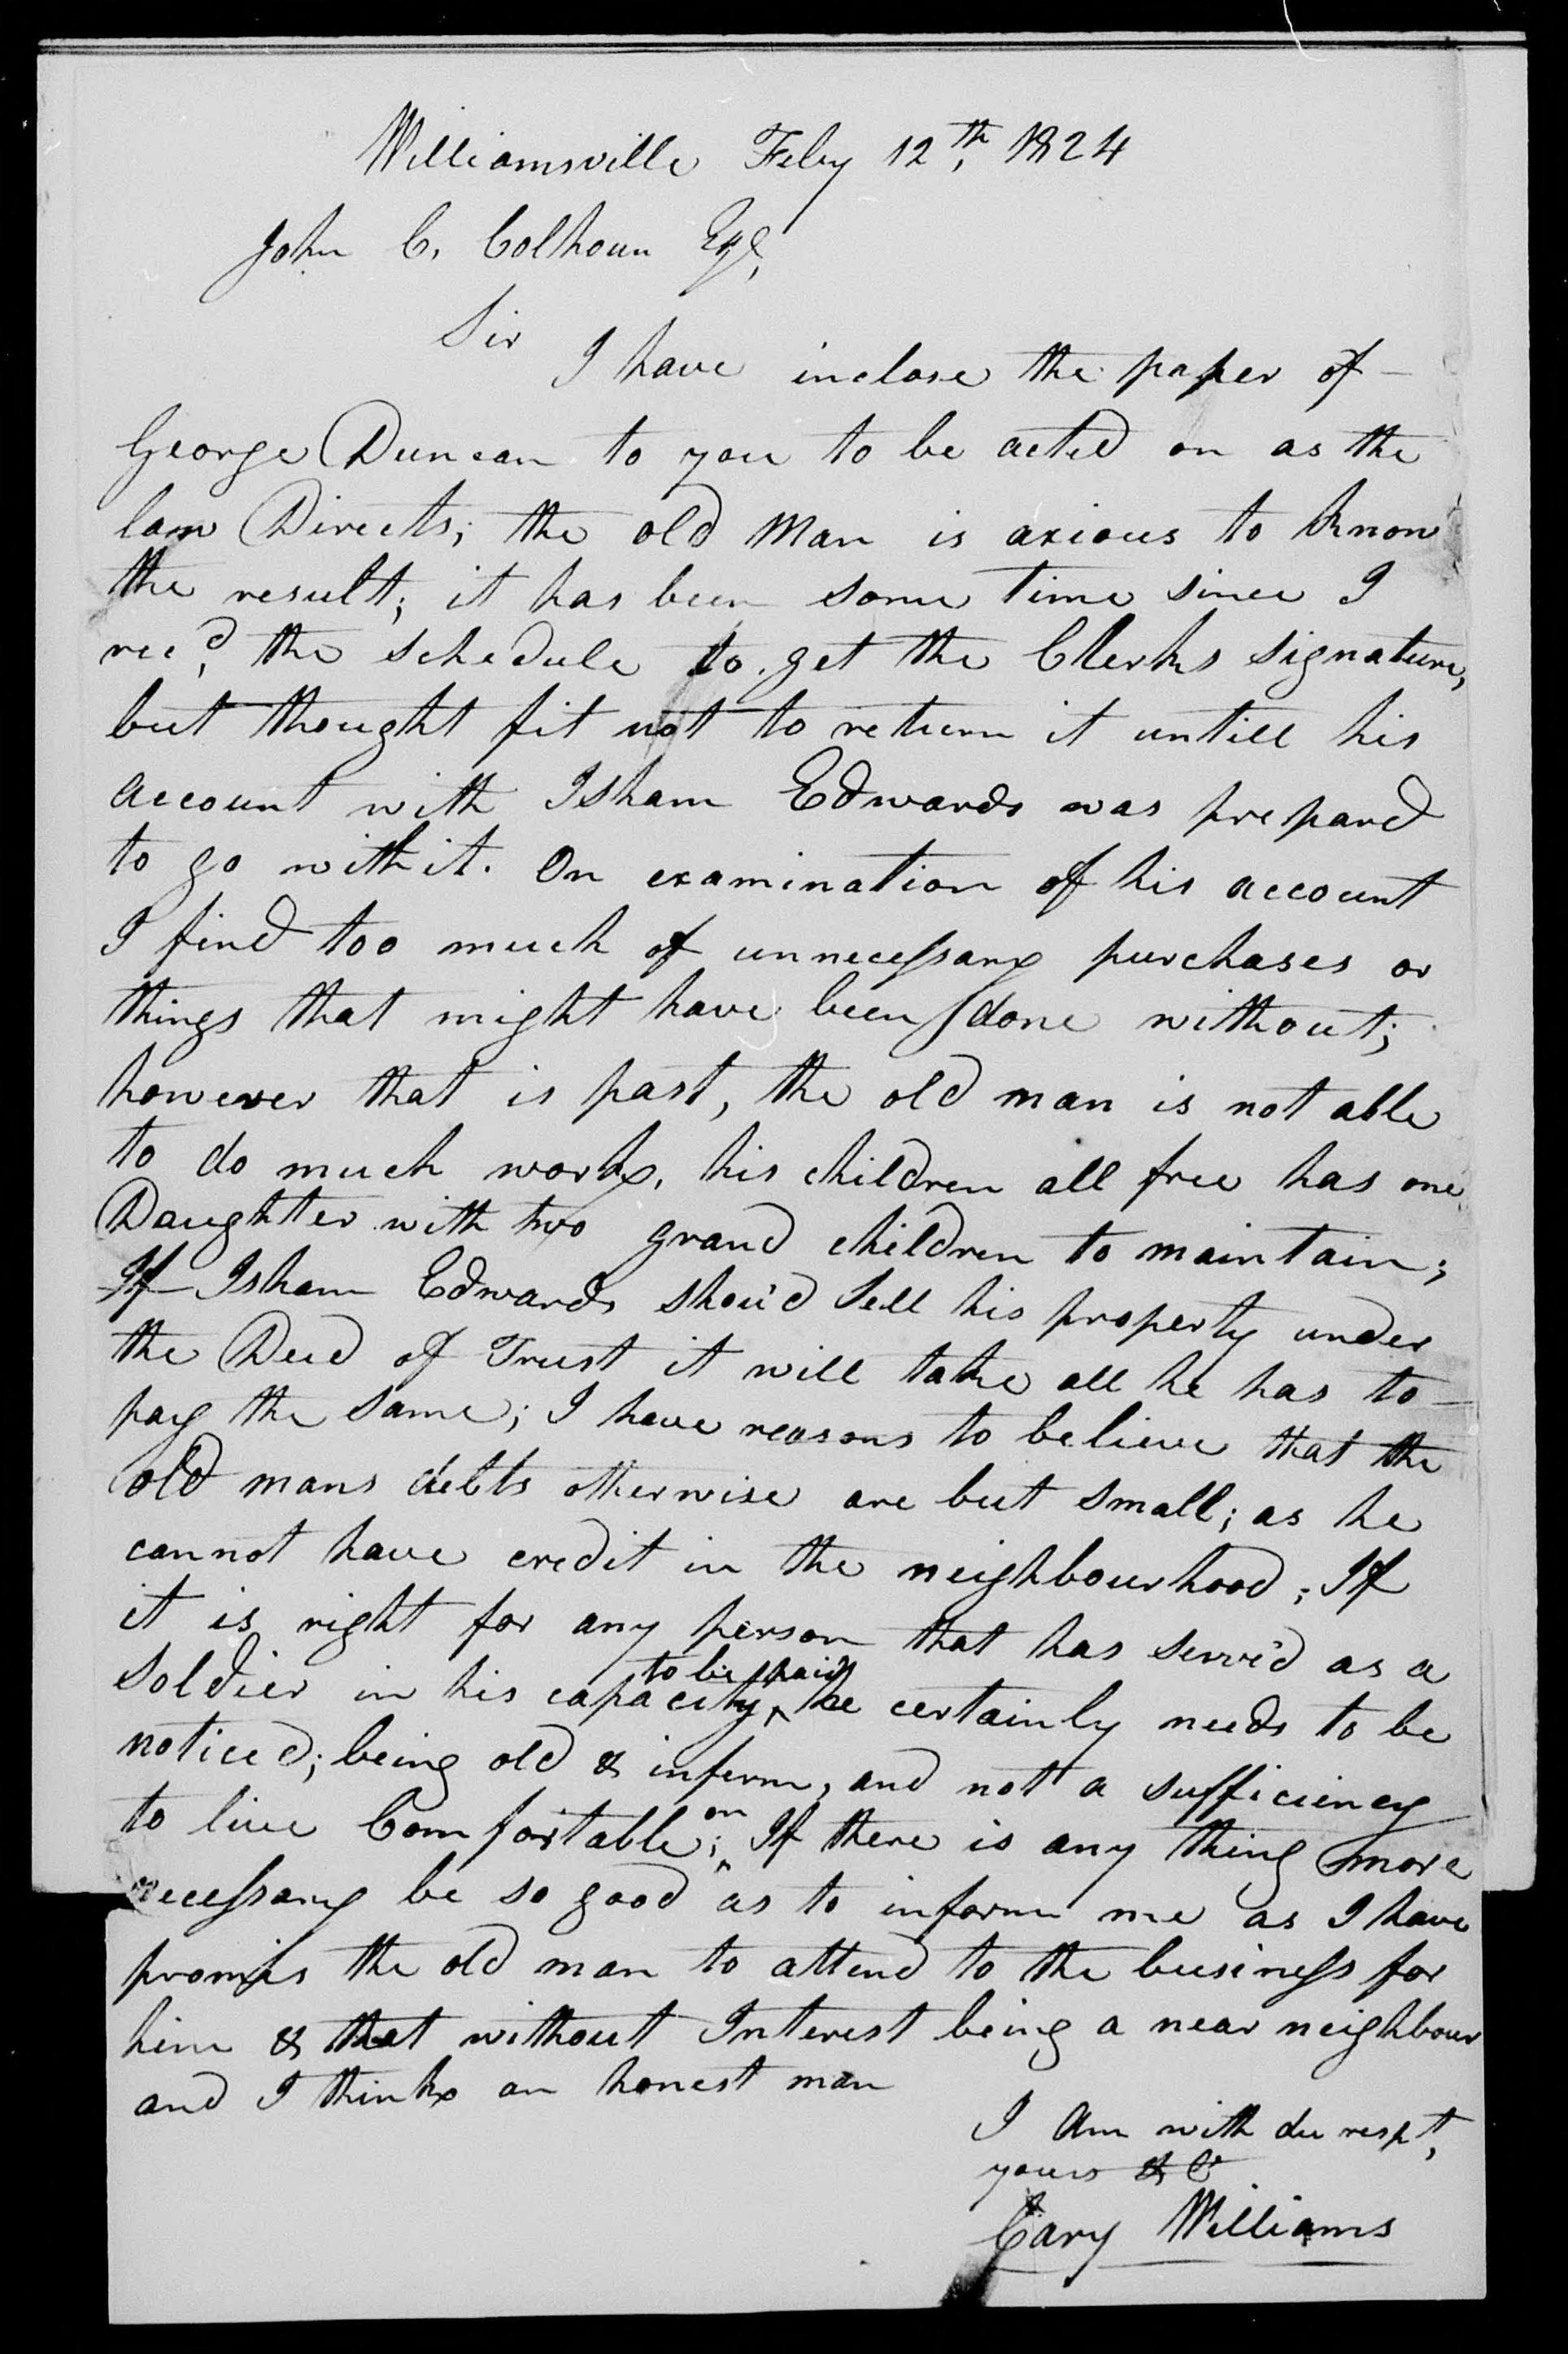Williamsville   Feby 12th, 1824
John C. Colhoun Esq.

Sir,

I have inclose the paper of George Duncan to you to be acted on as the low Directs, the old man is axious to know the result, it has been some time since I rec'd the schedule to get the Clerk signature but thought fit not to return it untill his account with Isham Edwards was prepared to go with it.  On examination of his account I find too much of unnecessary purchases or things that might have been done without; however that is past, the old man is not able to do much work, his children all free has one Daughter with two grand children to maintain.  If Isham Edward shou'd  sell his property under the Deed of Trust it will take all he has to pay the same; I have reasons to believe that the old mans debts otherwise are but small; as he can not have credit in the neighbourhood.  If it is right for any person that has served as a soldier in his capacity to be heard, he certainly needs to be noticed; being old & infirm, and not a sufficiency to live Comfortable on.  If there is any thing more necessary be so good as to inform me as I have promis the old man to attend to the business for him & that without interest being a near neighbour and I think an honest man.

I am with due respt
yours
Cary Willliams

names: Isham Edwards, George Duncan, Isham Edwards, Cary Williams, John C Colhoun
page: 11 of 49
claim: survivor's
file: S. 41513, George Duncan, N.C.